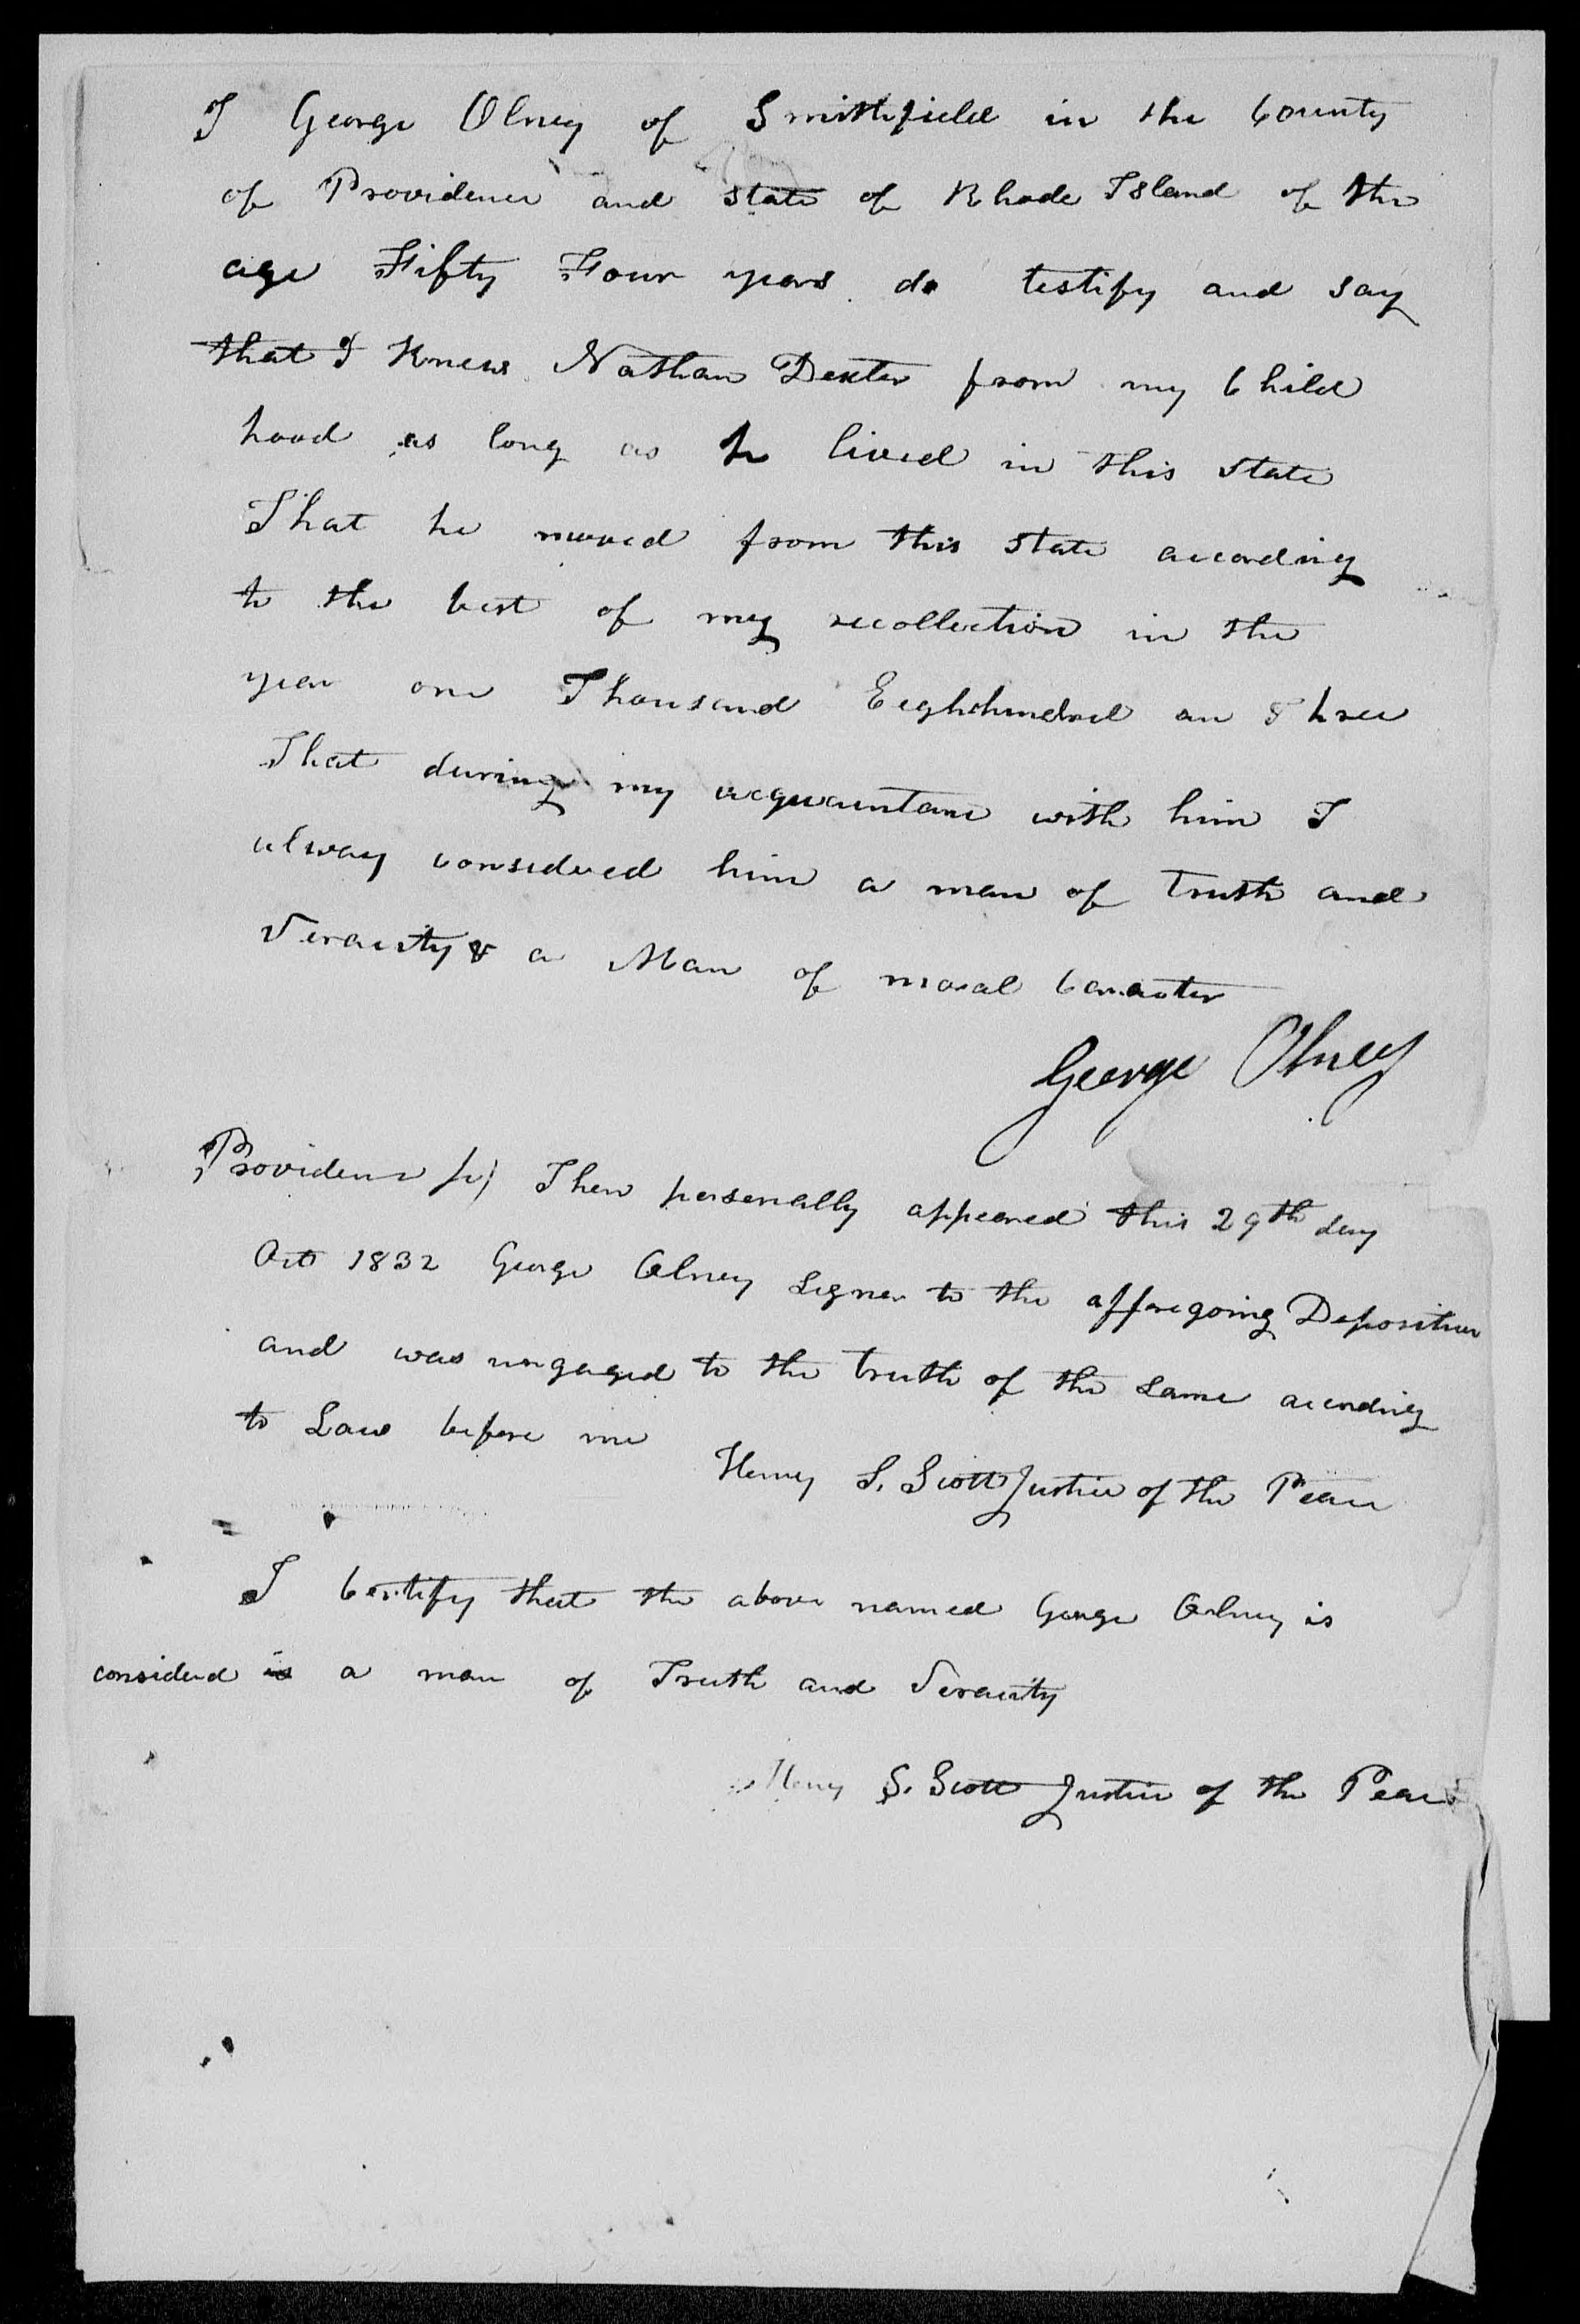I George Olney of Smithfield in the County
of Providence and State of Rhode Island of the
age fifty four years do testify and say
that I knew Nathan Dexter from my child
hood as long as he lived in this state that he moved from this state according to
the best of my recollection in the
year one Thousand eight hundred and three
That during my acquaintance with him I
considered him a man of truth and veracity & a Man of moral Caracter [character]
George Olney

Providence ss) - Then personally appeared this 29th day Oct 1832 George Olney signer to the afforegoing [aforegoing] Deposition and was engaged to the truth of the same according to Law before me
Henry S. Scott Justice of the Peace
I certify that the above named George Olney is
considered a man of Truth and veracity
 Henry S. Scott Justice of the Peace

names: Nathan Dexter, George Olney, Henry S Scott, George Olney, Henry S Scott, George Olney, George Olney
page: 25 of 35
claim: survivor's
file: S. 18374, Nathan Dexter, R.I.